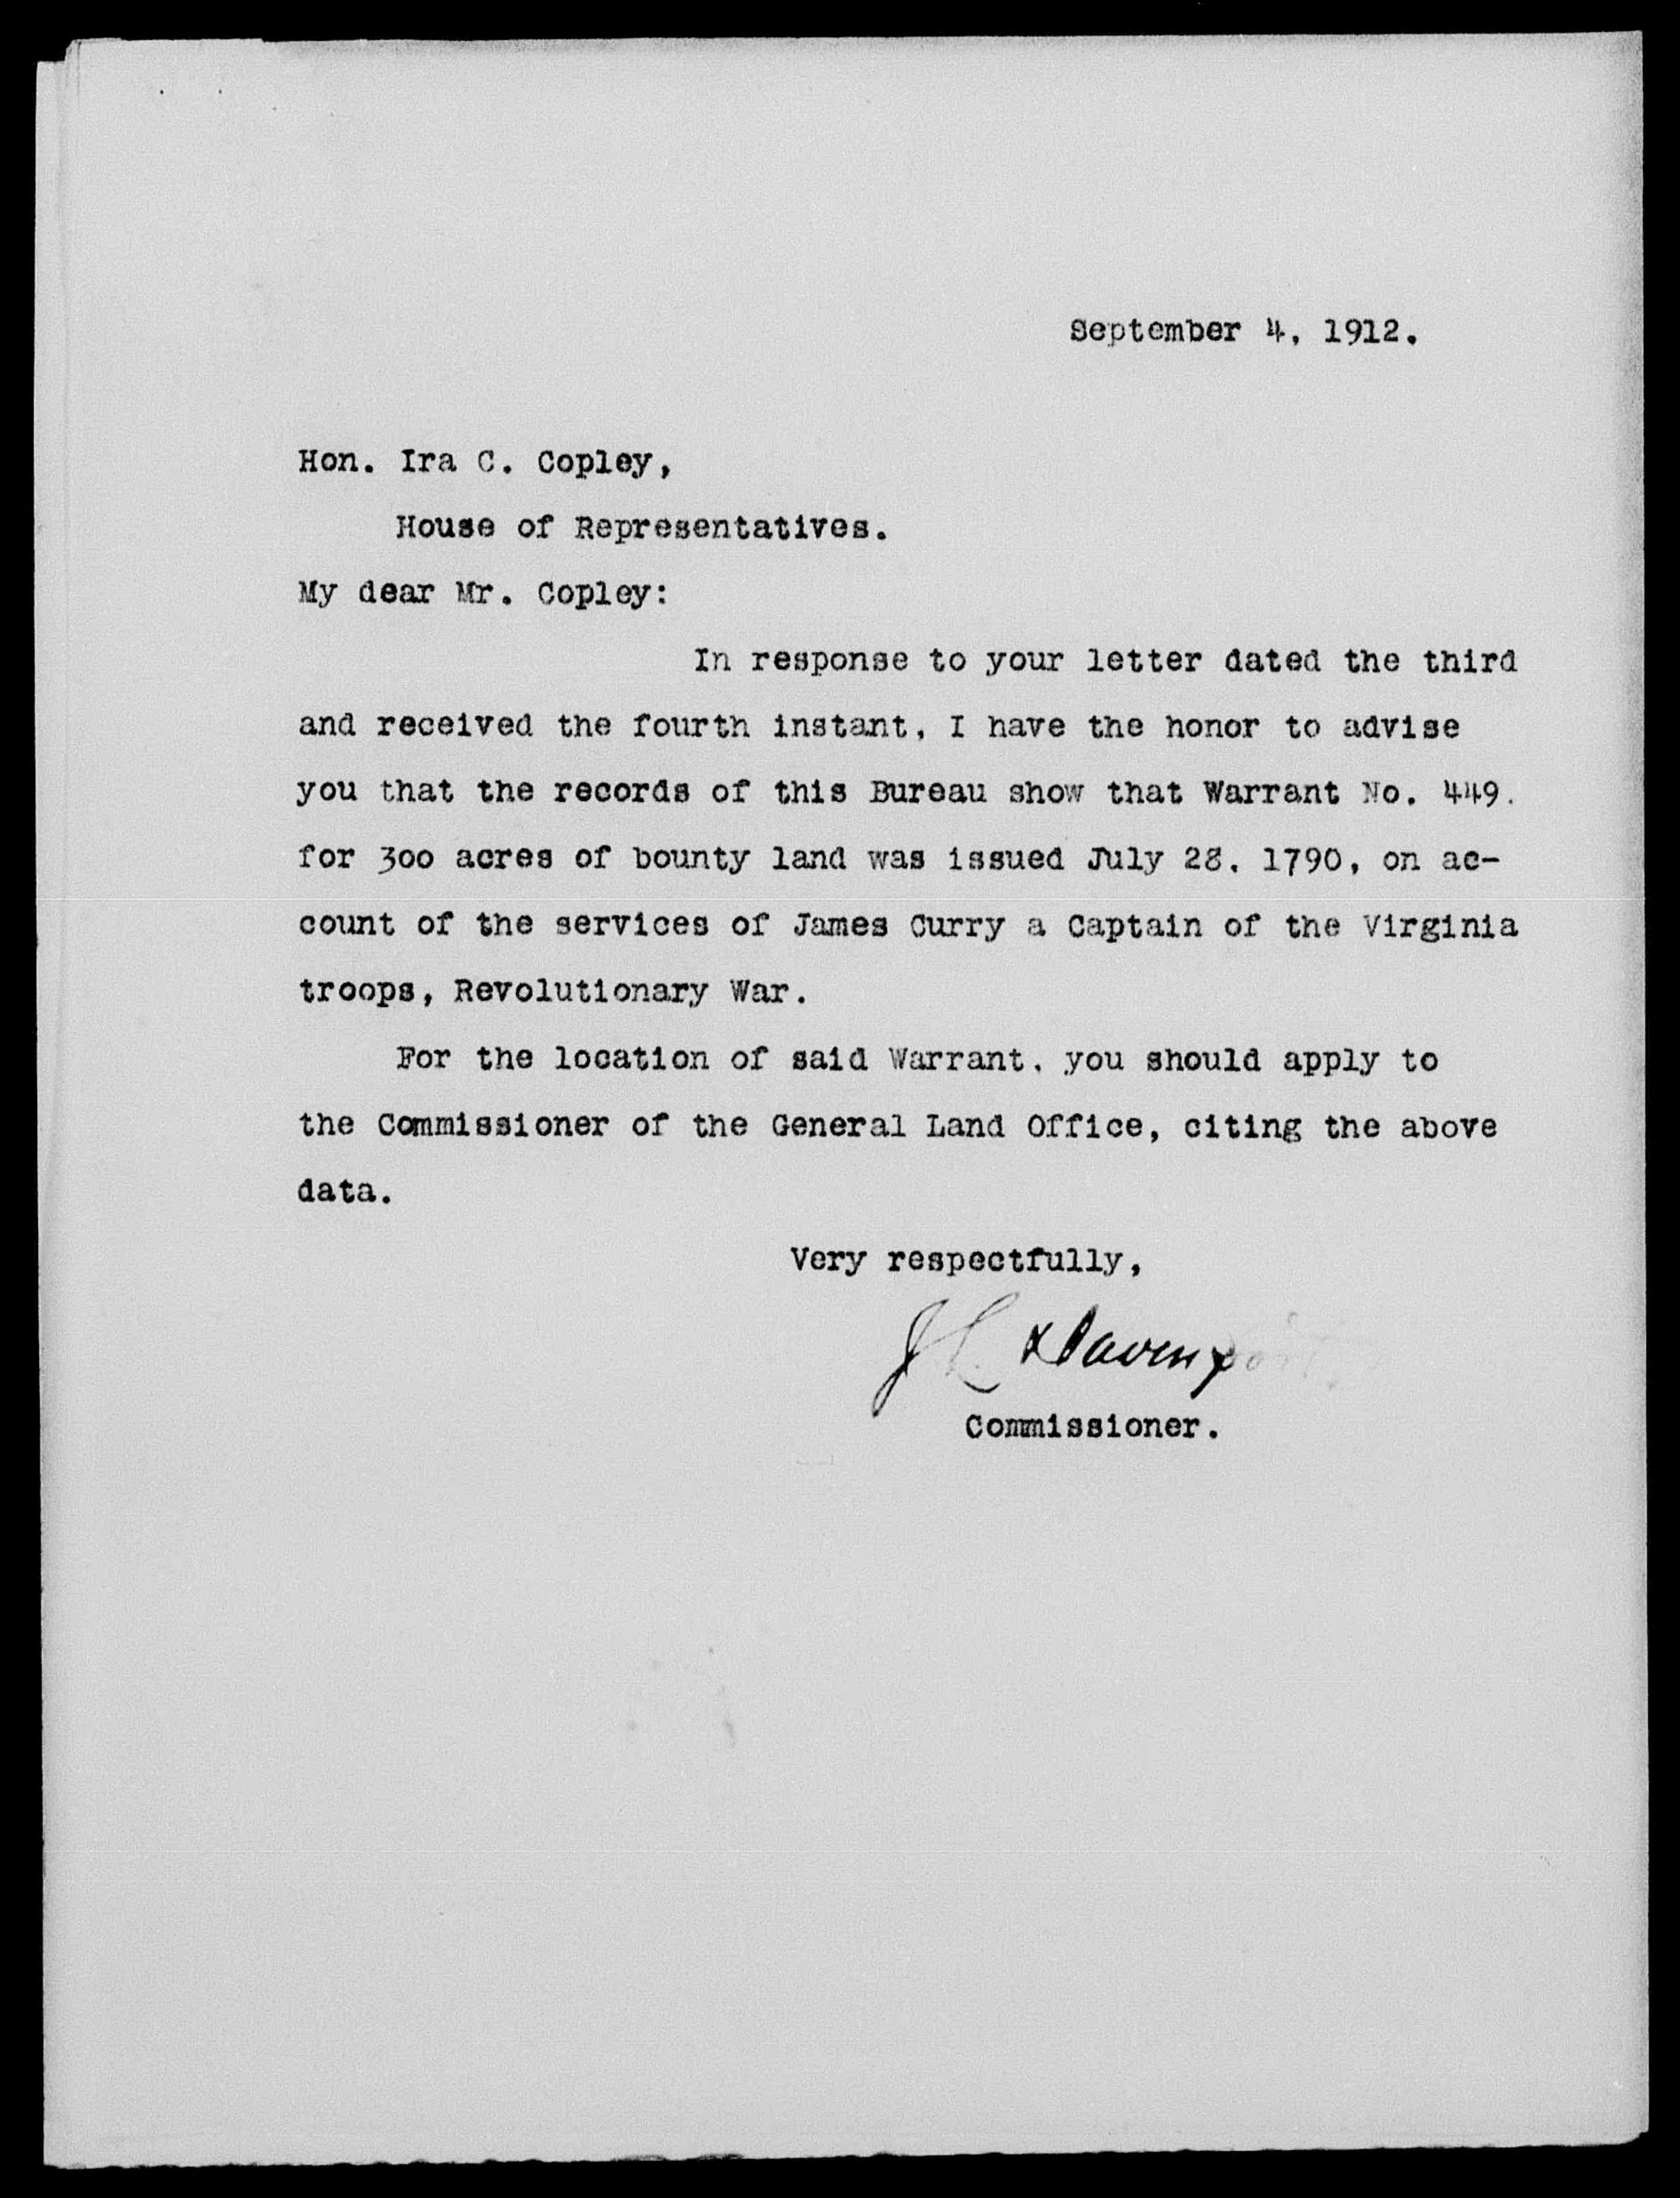September 4, 1912.
Hon. Ira C. Copley,
House of Representatives.
My dear Mr. Copley:

In response to your letter dated the third
and received the fourth instant, I have the honor to advise
you that the records of this Bureau show that Warrant No. 449.
for 300 acres of bounty land was issued July 28, 1790, on account
of the services of James Curry a Captain of the Virginia
troops, Revolutionary War.
For the location of said Warrant, you should apply to
the Commissioner of the General Land Office, citing the above
data.
Very respectfully,
J L Davenport
Commissioner.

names: Ira C Copley, James Curry, Copley, J L Davenport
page: 30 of 32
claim: survivor's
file: S. 44230, James Curry, Va.